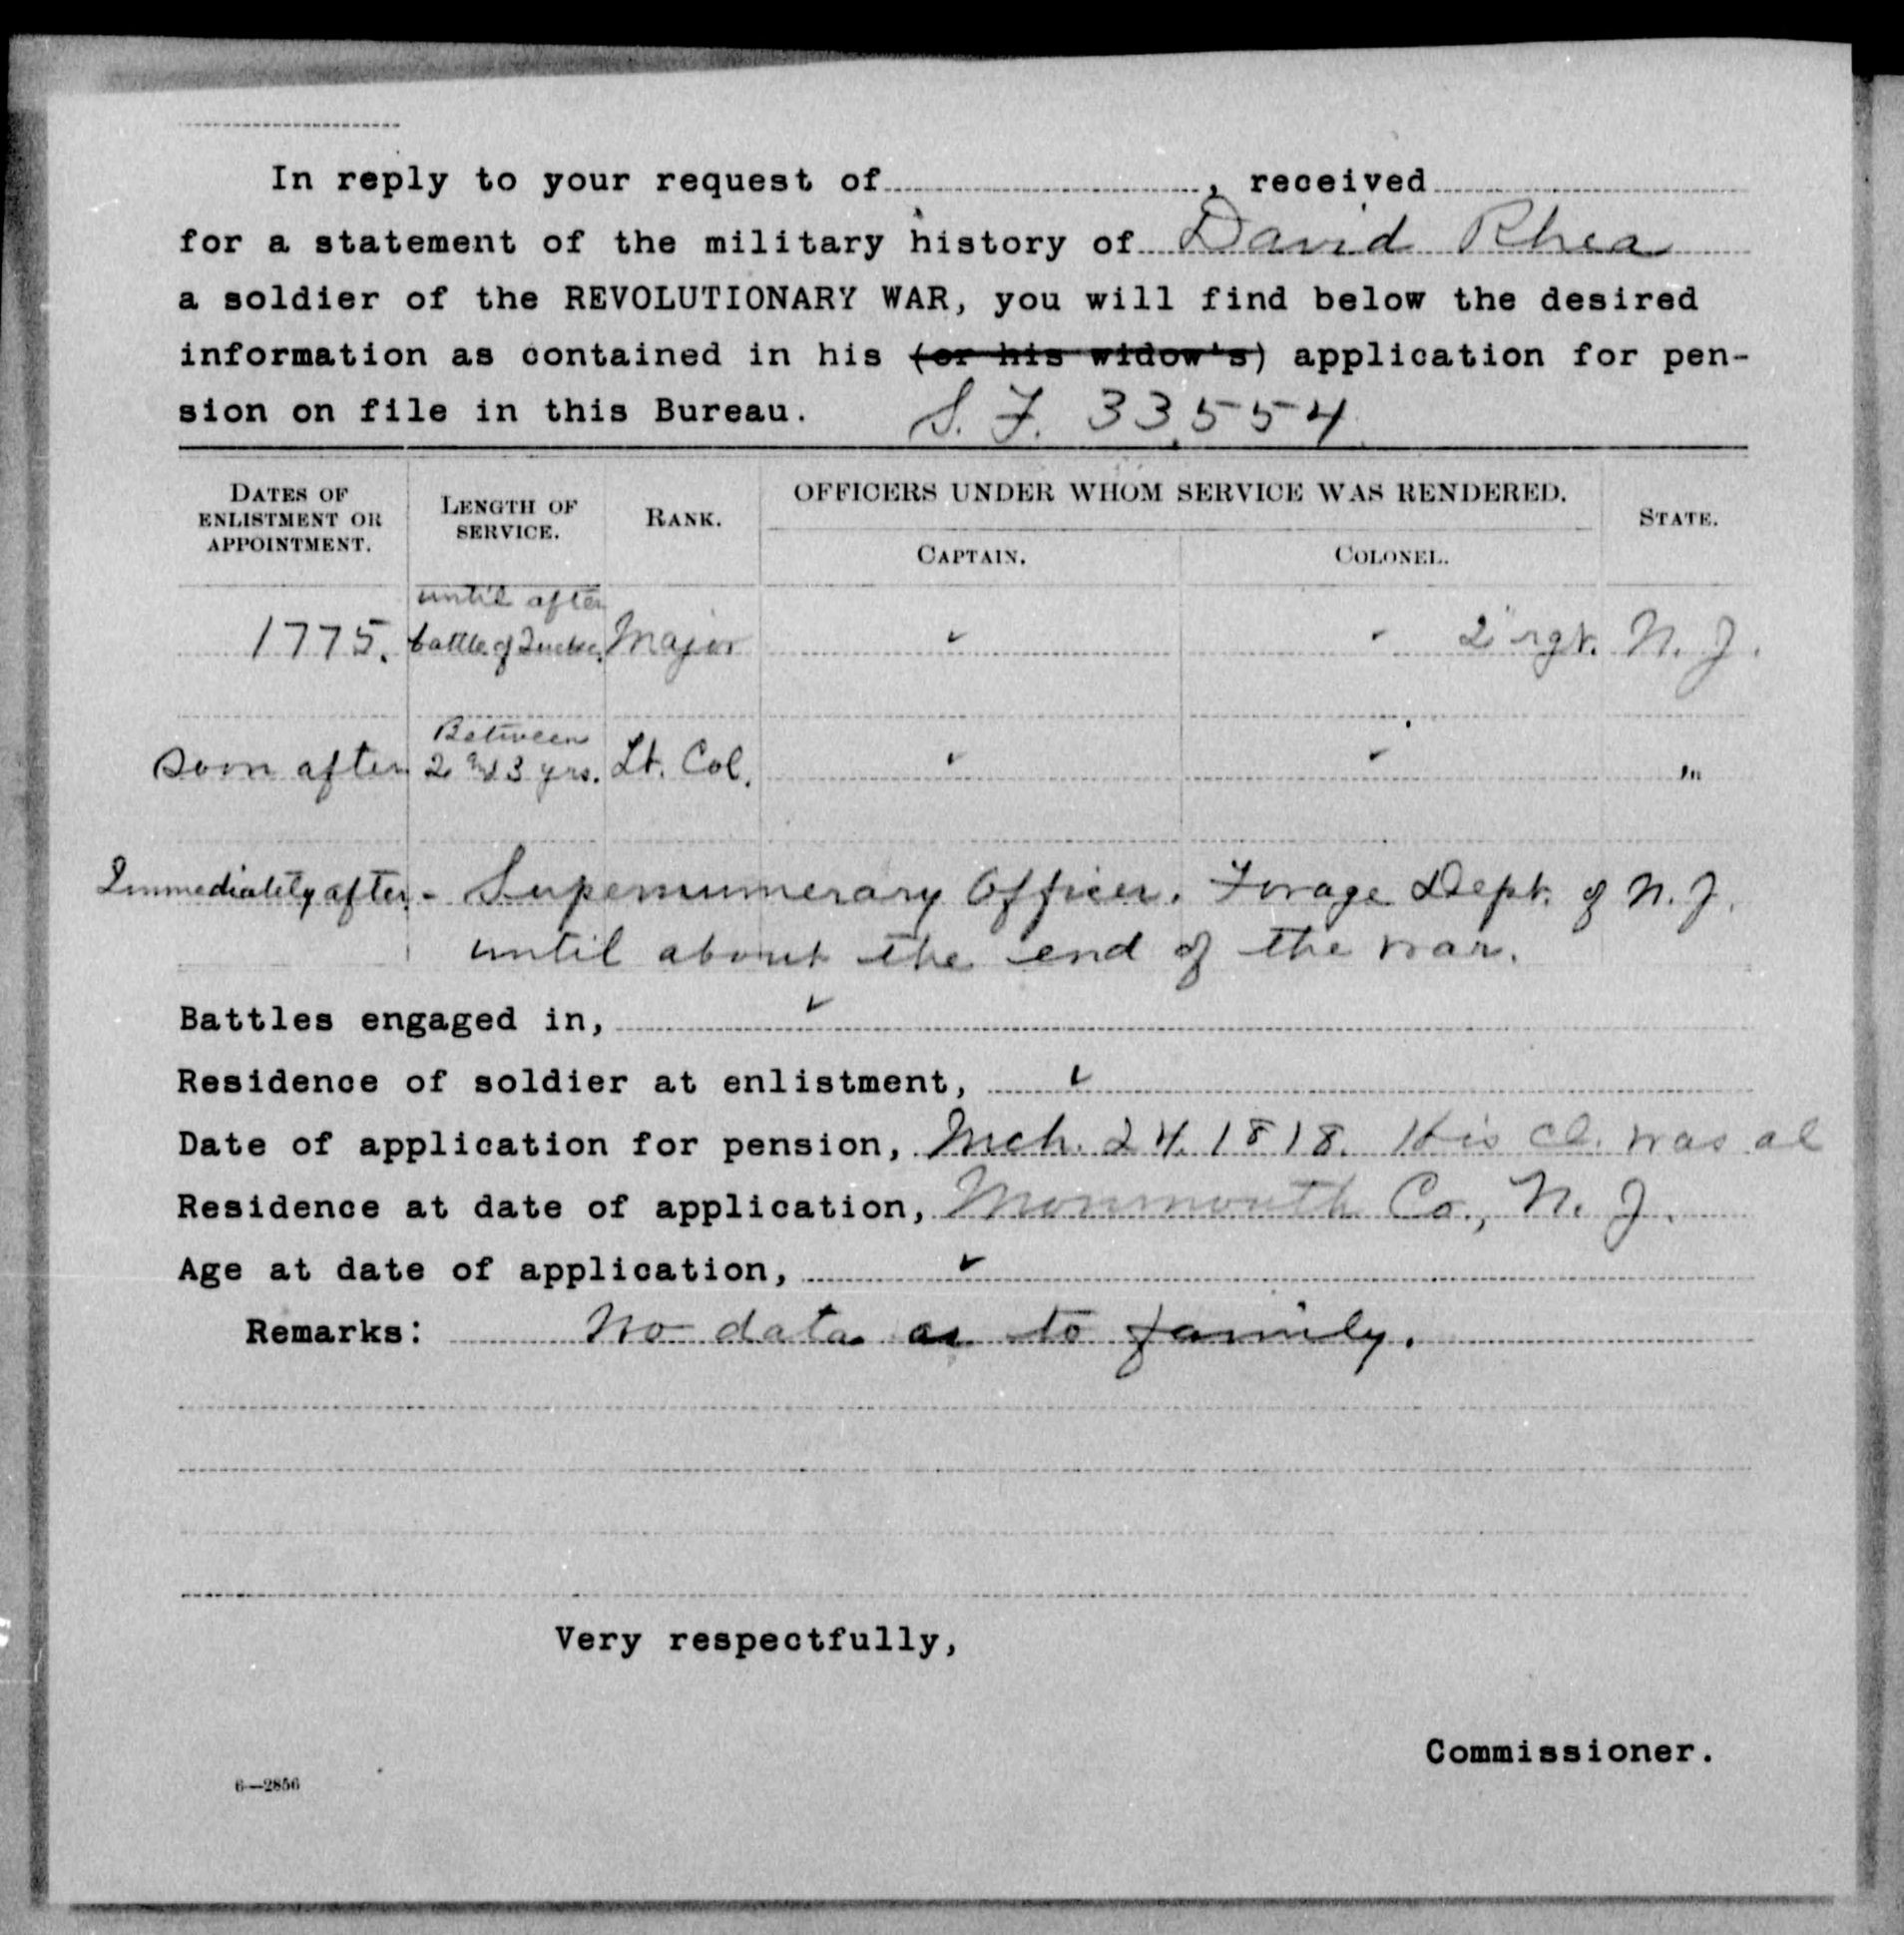In reply to your request of ___ received ___
for a statement of the military history of David Rhea
a soldier of the REVOLUTIONARY WAR, you will find below the desired
information as contained in his (or his widow's) application for
pension on file in this Bureau.
S. F. 33554

[Table, listed by column, with rows indicated by letters]
DATES OF ENLISTMENT OR APPOINTMENT.
[a] 1775.
[b] soon after
[c] Immediately after

LENGTH OF SERVICE.
[a] until after battle of Quebec
[b] Between 2 & 3 yrs.

RANK.
[a[ Major
[b] Lt. Col.
[c] Supernumerary Officer. Forage Dept. of N.J. until about the end of the war

OFFICERS UNDER WHOM SERVICE WAS RENDERED.
CAPTAIN.
[a] [check]
[b] [check]

COLONEL.
[a] [check] 2" rgt.
[b] [check]

STATE.
[a] N. J.
[b] "
In
Battles engaged in, [check]
---
Residence of soldier at enlistment, [check]

Date of application for pension, Mch. 24. 1818. His cl. was al

Residence at date of application, Monmouth Co., N.J.

Age at date of application, [check]

Remarks: No data as to family.

Very respectfully,
Commissioner.
6 -- 2856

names: David Rhea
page: 13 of 21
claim: survivor's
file: S. 33,554, for David Rhea, New Jersey